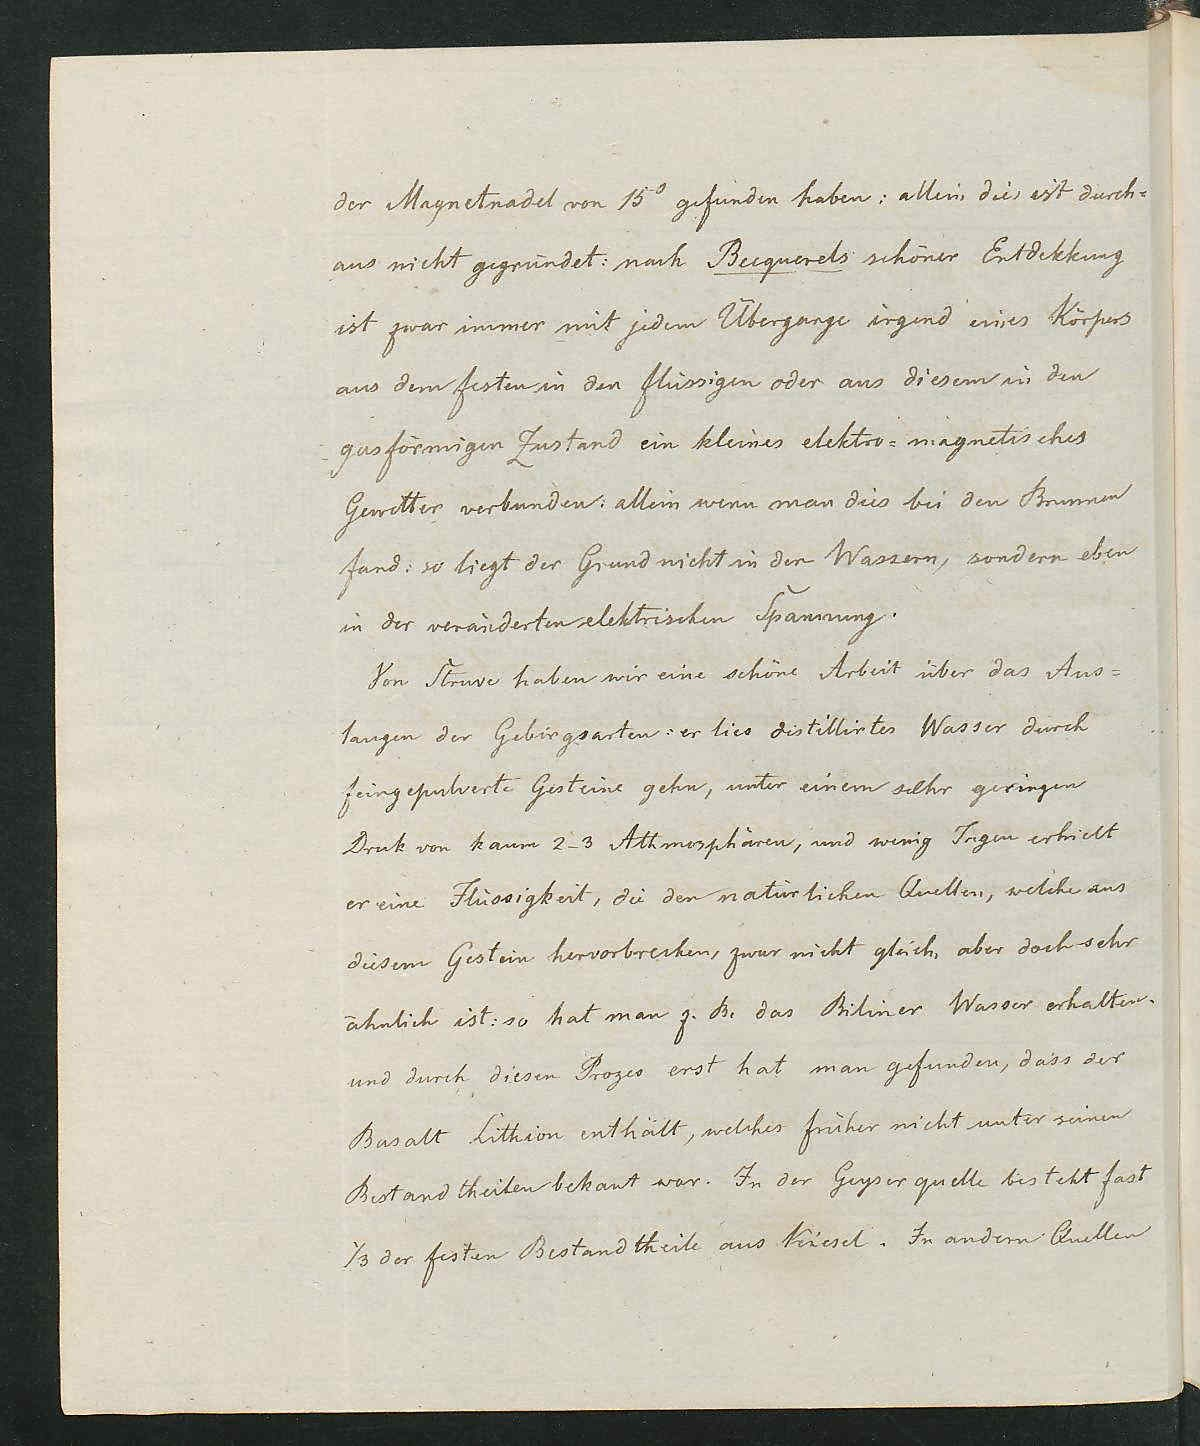der Magnetnadel von 15° gefunden haben: allein dies ist durch-
aus nicht gegründet: nach Becquerels schöner Entdekkung
ist zwar immer mit jedem Übergange irgend eines Körpers
aus dem festen in den flüssigen oder aus diesem in den
gasförmigen Zustand ein kleines elektro-magnetisches
Gewitter verbunden: allein wenn man dies bei den Brunnen
fand: so liegt der Grund nicht in den Wassern, sondern eben
in der veränderten elektrischen Spannung.
Von Struve haben wir eine schöne Arbeit über das Aus-
laugen der Gebirgsarten: er lies distillirtes Wasser durch
feingepulverte Gesteine gehn, unter einem sehr geringen
Druk von kaum 2–3 Athmosphären, und wenig Tagen erhielt
er eine Flüssigkeit, die den natürlichen Quellen, welche aus
diesem Gestein hervorbrechen, zwar nicht gleich aber doch sehr
ähnlich ist: so hat man z. B. das Biliner Wasser erhalten,
und durch diesen Prozes erst hat man gefunden, dass der
Basalt Lithion enthält, welches früher nicht unter seinen
Bestandtheilen bekant war. In der Geyserquelle besteht fast
⅓ der festen Bestandtheile aus Kiesel. In andern Quellen